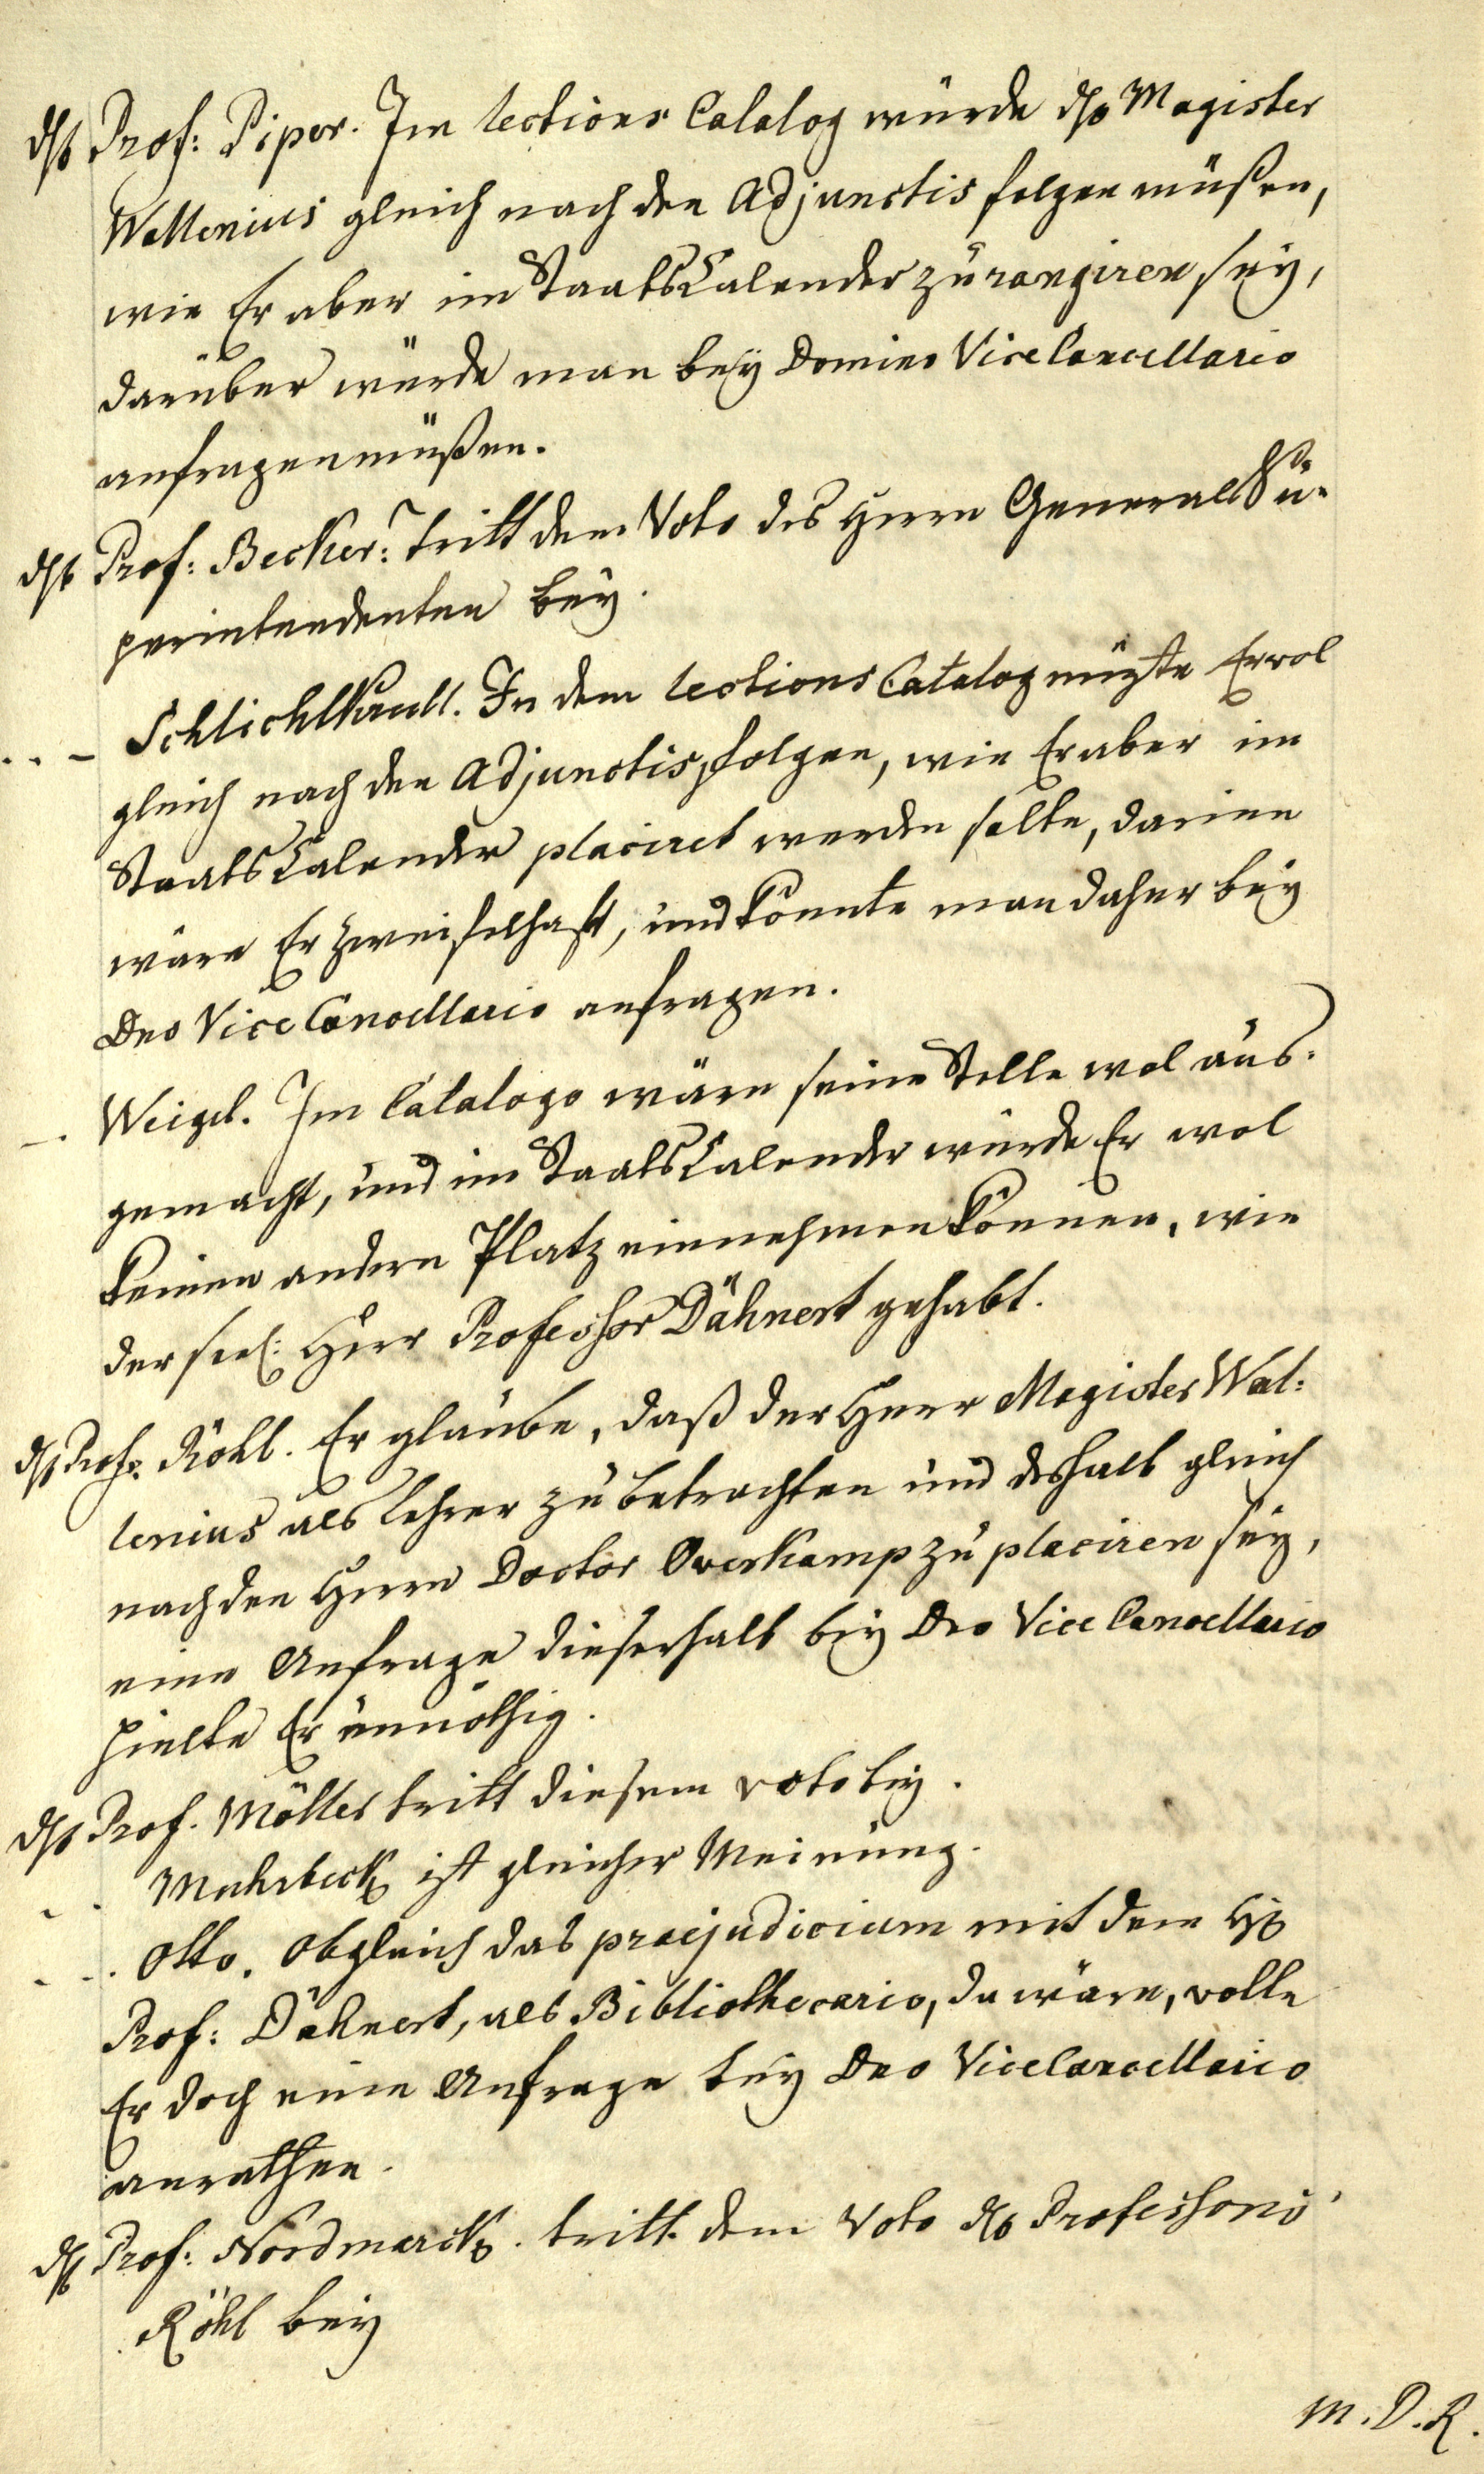dh Prof. Piper. Im Lections Catalog würde dh Magister
Wallenius gleich nach den Adjunctis folgen müßen,
wie Er aber im Staatskalender zurangiren seÿ,
darüber würde man beÿ Domino Vice Cancellario
anfragenmüßen.
dh Prof. Becker tritt dem Voto des Herrn GeneralSu¬
perintendenten beÿ.
Schlichtkrull. In dem Lections Catalog müste Er wol
gleich nach den Adjunctis folgen, wie Er aber im
Staats Kalender placiret werden solte, darinn
wäre Er zweifelhaft, und könnte man daher beÿ
Dno ViceCancellario anfragen.
Weigel. Ihm Catalogo wäre seine Stelle wol aus¬
gemacht, und im Staatskalender würde Er wol
keinen andern Platz einnehmen können, wie
der seel. Herr Professor Dähnert gehabt.
dh Prof. Röhl. Er glaube, daß der Herr Magister Wal¬
lenius als Lehrer zu betrachten und deshalb gleich
nach den Herrn Doctor Overkamp zu placiren seÿ,
eine Anfrage dieserhalb beÿ Dno Vice Cancellario
hielte Er unnöthig.
dh Prof. Möller tritt diesem voto beÿ.
Muhrbeck, ist gleicher Meinung.
Otto obgleich das praejudicium mit dem H
Prof. Dähnert, als Bibliothecario, da wäre, wolle
Er doch eine Anfrage beÿ Dno ViceCancellario
anrathen.
dh Prof. Nordmarck tritt dem Voto dh. Professorio
Röhl beÿ.
M.D. R